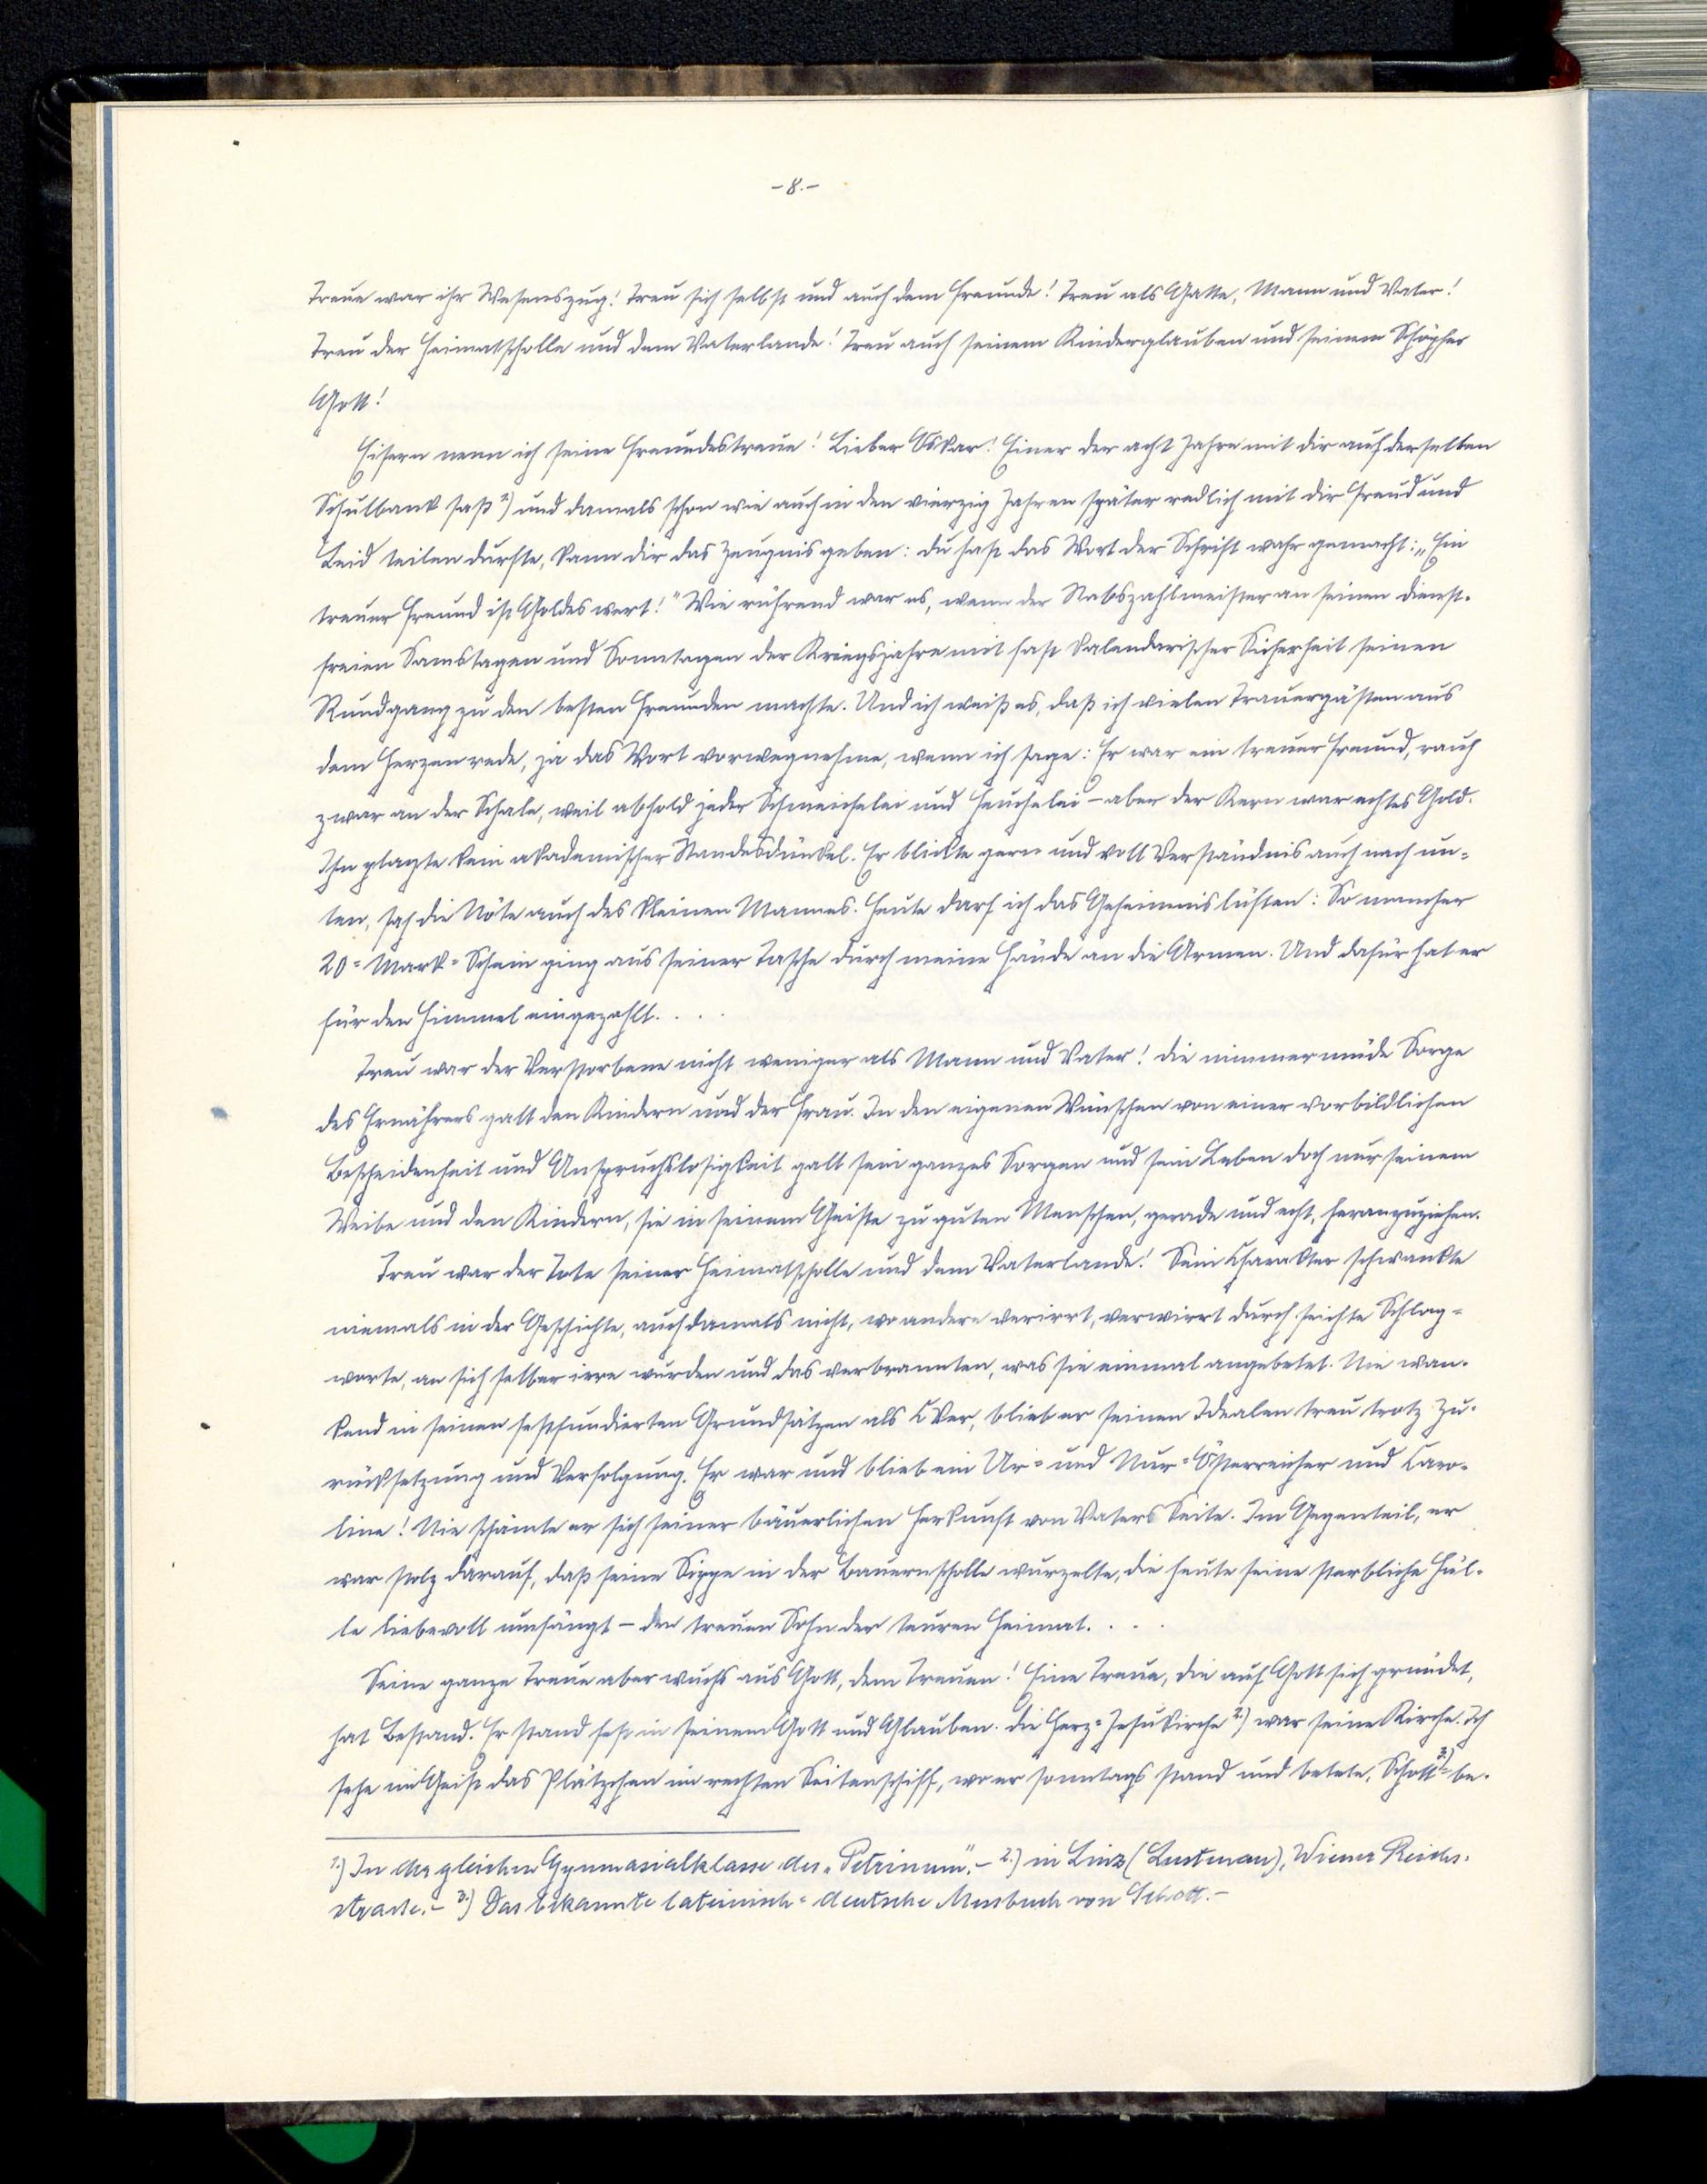8
Treue war ihr Wesenszug!Treu sich selbst und auch dem Freunde! Treu als Gatte, Mann und Vater !
Treu der Heimatsscholle und dem Vaterland! Treu auh seinem Kinderglauben und seinem Schöpfer
Gott!
Eisern nenn ich seine Freundestreue! Lieber Oskar! Eine der acht Jahren mit dir auf derselben
Schulbank saß 1) und damals schon wie auch in den vierzig Jahren später redlich mit ihr Freud und
Leid teilen durfte, kann dir das Zeugnis geben: Du hast das Wort der Schrift wahrgemacht: „Ein
treuer Freund ist Goldes wert!“ Wie rührend war es, wenn der Stabszahlmeister an seiner dienst-
freien Samstagen und Sonntagen der Kriegsjahre mit fast kalendarischer Sicherheit seinen
Rundgang zu den besten Freunden machte. Und ich weiß es, dass ich vielen Trauergästen aus
dem Herzen rede, ja das Wort vorwegnehme, wenn ich sage: Er war ein treuer Freund, rauh
zwar an der Schale, weil abhold jeder Schmeichelei und Heuchelei - aber der Kern war echtes Gold.
Ihn plagte kein akademischer Standesdünkel. Er blickte gern und voll Verständnis auch nach un-
ten, sah die Nöte auch des kleinen Mannes. Heute darf ich das Geheimnis lüften: so mancher
20 – Mark- Schein ging aus seiner Tasche durch meine Hände an die Armen und dafür hat er
für den Himmel eingezahlt.
Treu war der Verstorbene nicht weniger als Mann und Vater! Die nimmermüde Sorge
des Ernährers galt den Kindern und der Frau. In den eigenen Wünschen von einer
vorbildlichen Bescheidenheit und Anspruchslosigkeit galt sein ganzes Sorgen und sein Leben doch nur seinem
Weibe und den Kindern, sie in seinem Geiste zu guten Menschen, gerade und echt, heranzuziehen.
Treue war der Tote seiner Heimatsscholle und dem Vaterland! Sein Charakter schwankte
niemals in der Geschichte, auch damals nicht, wo andere verwirrt, verwirrt durch seichte Schlag-
worte, an sich selber irre wurden und das verbrannten, was sie einmal angebetet. Nie wan-
kend in seinen festfundierten Grundsätzen als CVer, blieb er seinen Idealen treu trotz Zu-
rücksetzung und Verfolgung. Er war und blieb ein Ur- und Nur-Österreicher und Caro-
line! Nie schämte er sich seiner bäuerlichen Herkunft von Vaters Seite. Im Gegenteil, er
war stolz darauf, dass seine Sippe in der Bauernscholle wurzelte, die heute seine sterbliche Hül-
le liebevolle umfängt-den treuen Sohn der teuren Heimat. …
Seine ganze Treue aber wuchs aus Gott, dem Treuen! Eine Treue, die auf Gott sich gründet,
hat Bestand. Er stand fest in seinem Gott und Glauben. Die Herz- Jesukirche 2) war seine Kirche. Ich
sehe im Geist das Plätzchen im rechten Seitenschiff, wo er sonntags stand und betete, Schott 3) be-
1) In dergleichen Gymnasialklasse des „Petrinum“.- 2) in Linz (Lustenau) Wiener Reichs-
straße.- 3) Das bekannte lateinisch-deutsche Messbuch von Schott.